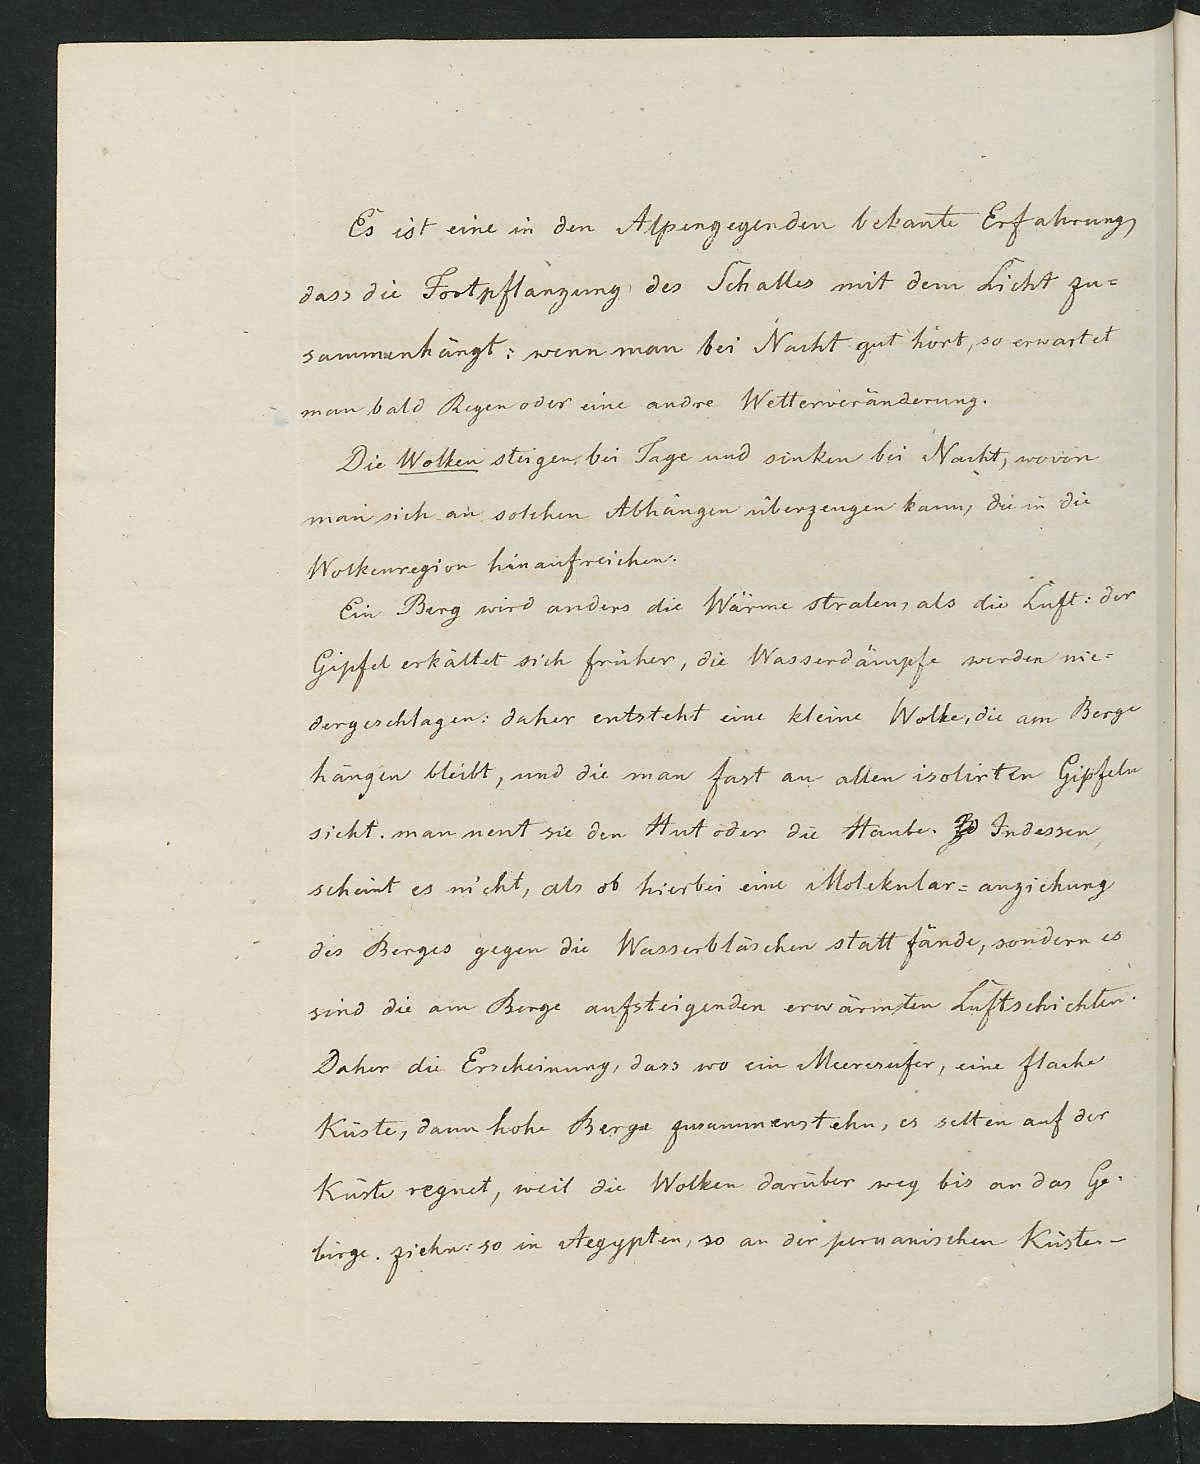Es ist eine in den Alpengegenden bekante Erfahrung,
dass die Fortpflanzung des Schalles mit dem Licht zu-
sammenhängt: wenn man bei Nacht gut hört, so erwartet
man bald Regen oder eine andre Wetterveränderung.
Die Wolken steigen bei Tage und sinken bei Nacht, wovon
man sich an solchen Abhängen überzeugen kann, die in die
Wolkenregion hinaufreichen.
Ein Berg wird anders die Wärme stralen, als die Luft: der
Gipfel erkältet sich früher, die Wasserdämpfe werden nie-
dergeschlagen: daher entsteht eine kleine Wolke, die am Berge
hängen bleibt, und die man fast an allen isolirten Gipfeln
sieht. nent sie den Hut oder die Haube. J Indessen
scheint es nicht, als ob hierbei eine Molekular-anziehung
des Berges gegen die Wasserbläschen statt fände, sondern es
sind die am Berge aufsteigenden erwärmten Luftschichten.
Daher die Erscheinung, dass wo ein Meeresufer, eine flache
Küste, dann hohe Berge zusammenstehn, es selten auf der
Küste regnet, weil die Wolken darüber weg bis an das Ge-
birge ziehn: so in Aegypten, so an der peruanischen Küste. –